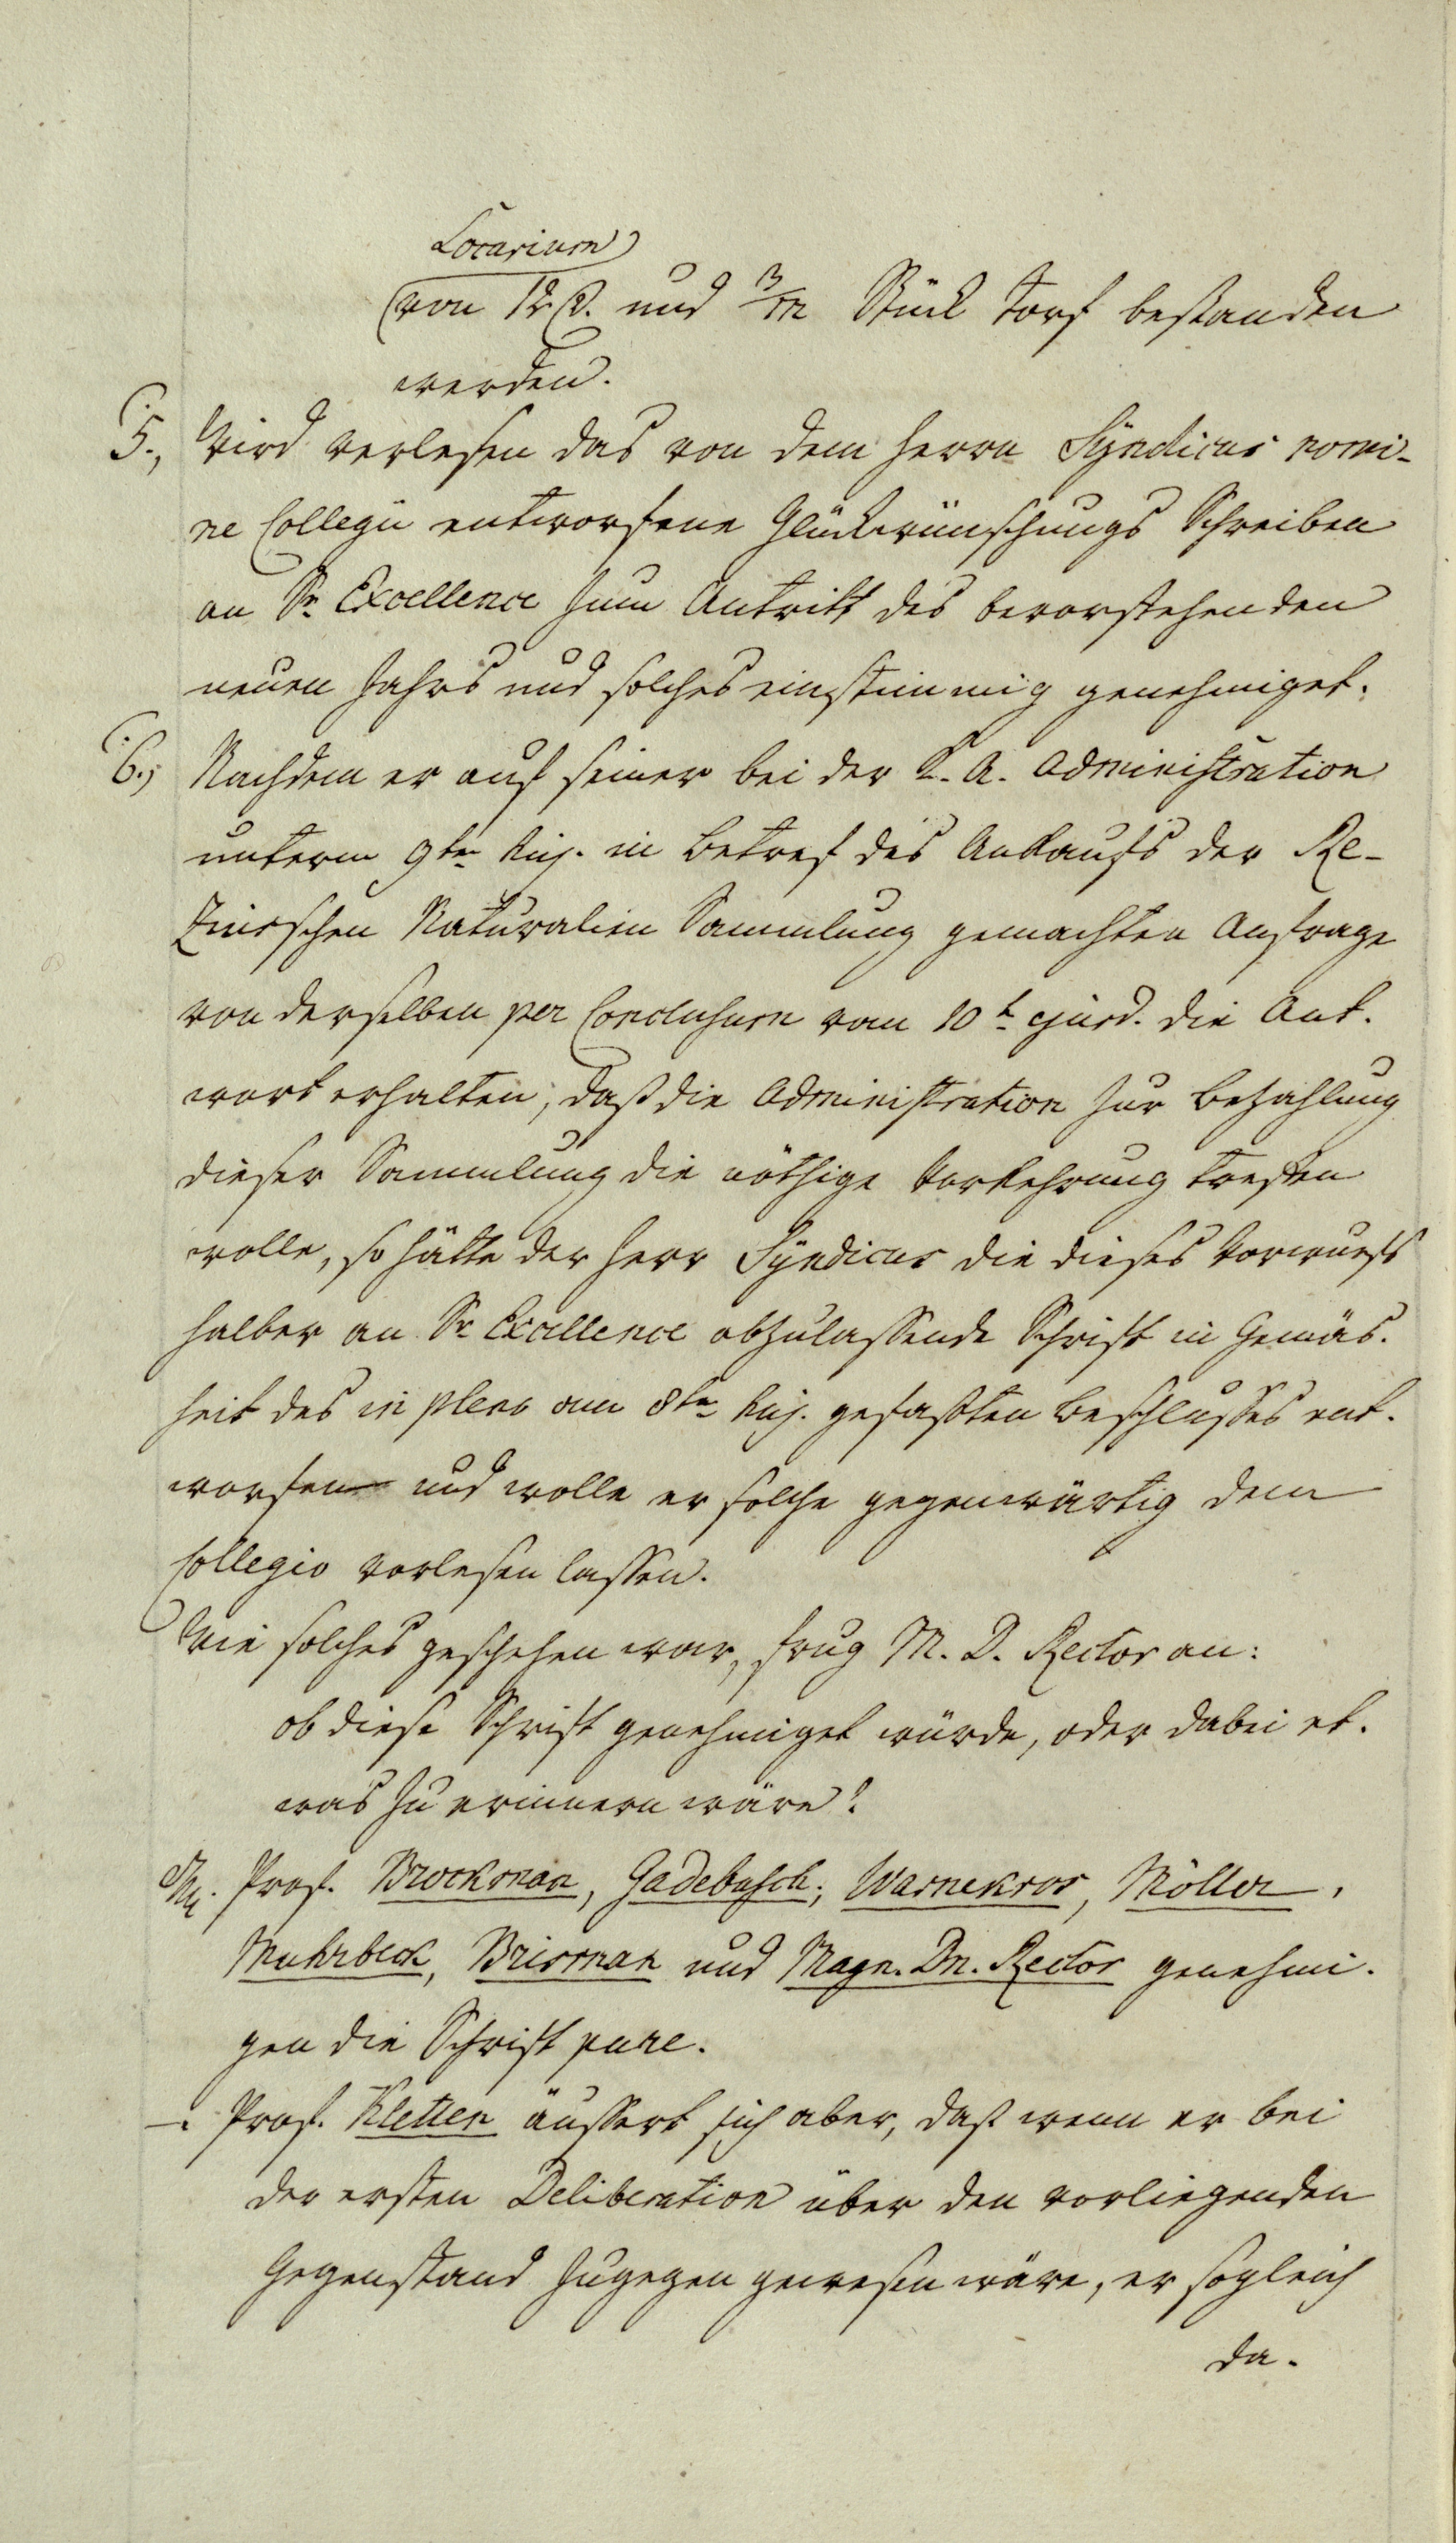Locarium
von 12 l. und 3/m Stück Torf bestanden
werden.
5., Wird verlesen das von dem Herrn Sÿndicus nomi¬
ne Collegii entworfene Glückwünschungs Schreiben
an Sr Excellence zum Antritt des bevorstehenden
neuen Jahrs und solches einstimmig genehmiget.
6., Nachdem er auf seiner bei der K. A. Administration
unterm 9 ten huj. in Betref des Ankaufs der Re¬
ziusschen Naturalien Sammlung gemachten Anfrage
von derselben er Conclusum vom 10 t ejusd. die Ant¬
wort erhalten, daß die Administration zur Bezahlung
dieser Sammlung die nöthige Vorkehrung treffen
wolle, so hätte der Herr Sÿndicus die dieses Vorwurfs
halber an Sr Excellence abzulassende Schrift in Gemäs¬
heit des in pleno am 8 te huj. gefaßten Beschlusses ent¬
worfen und wolle er solche gegenwärtig dem
Collegio vorlesen lassen.
Wie solches geschehen war, frug M. D. Rector an:
ob diese Schrift genehmiget würde, oder dabei et¬
was zu erinnern wäre?
dh. Prof. Brockman, Gadebusch, Warnekros, Möller,
Muhrbeck, Brisman und Magn. Dn. Rector genehmi¬
gen die Schrift pure.
Prof. Kletten äussert sich aber, daß wenn er bei
der ersten Deliberation über den vorliegenden
Gegenstand zugegen gewesen wäre, er sogleich
da¬